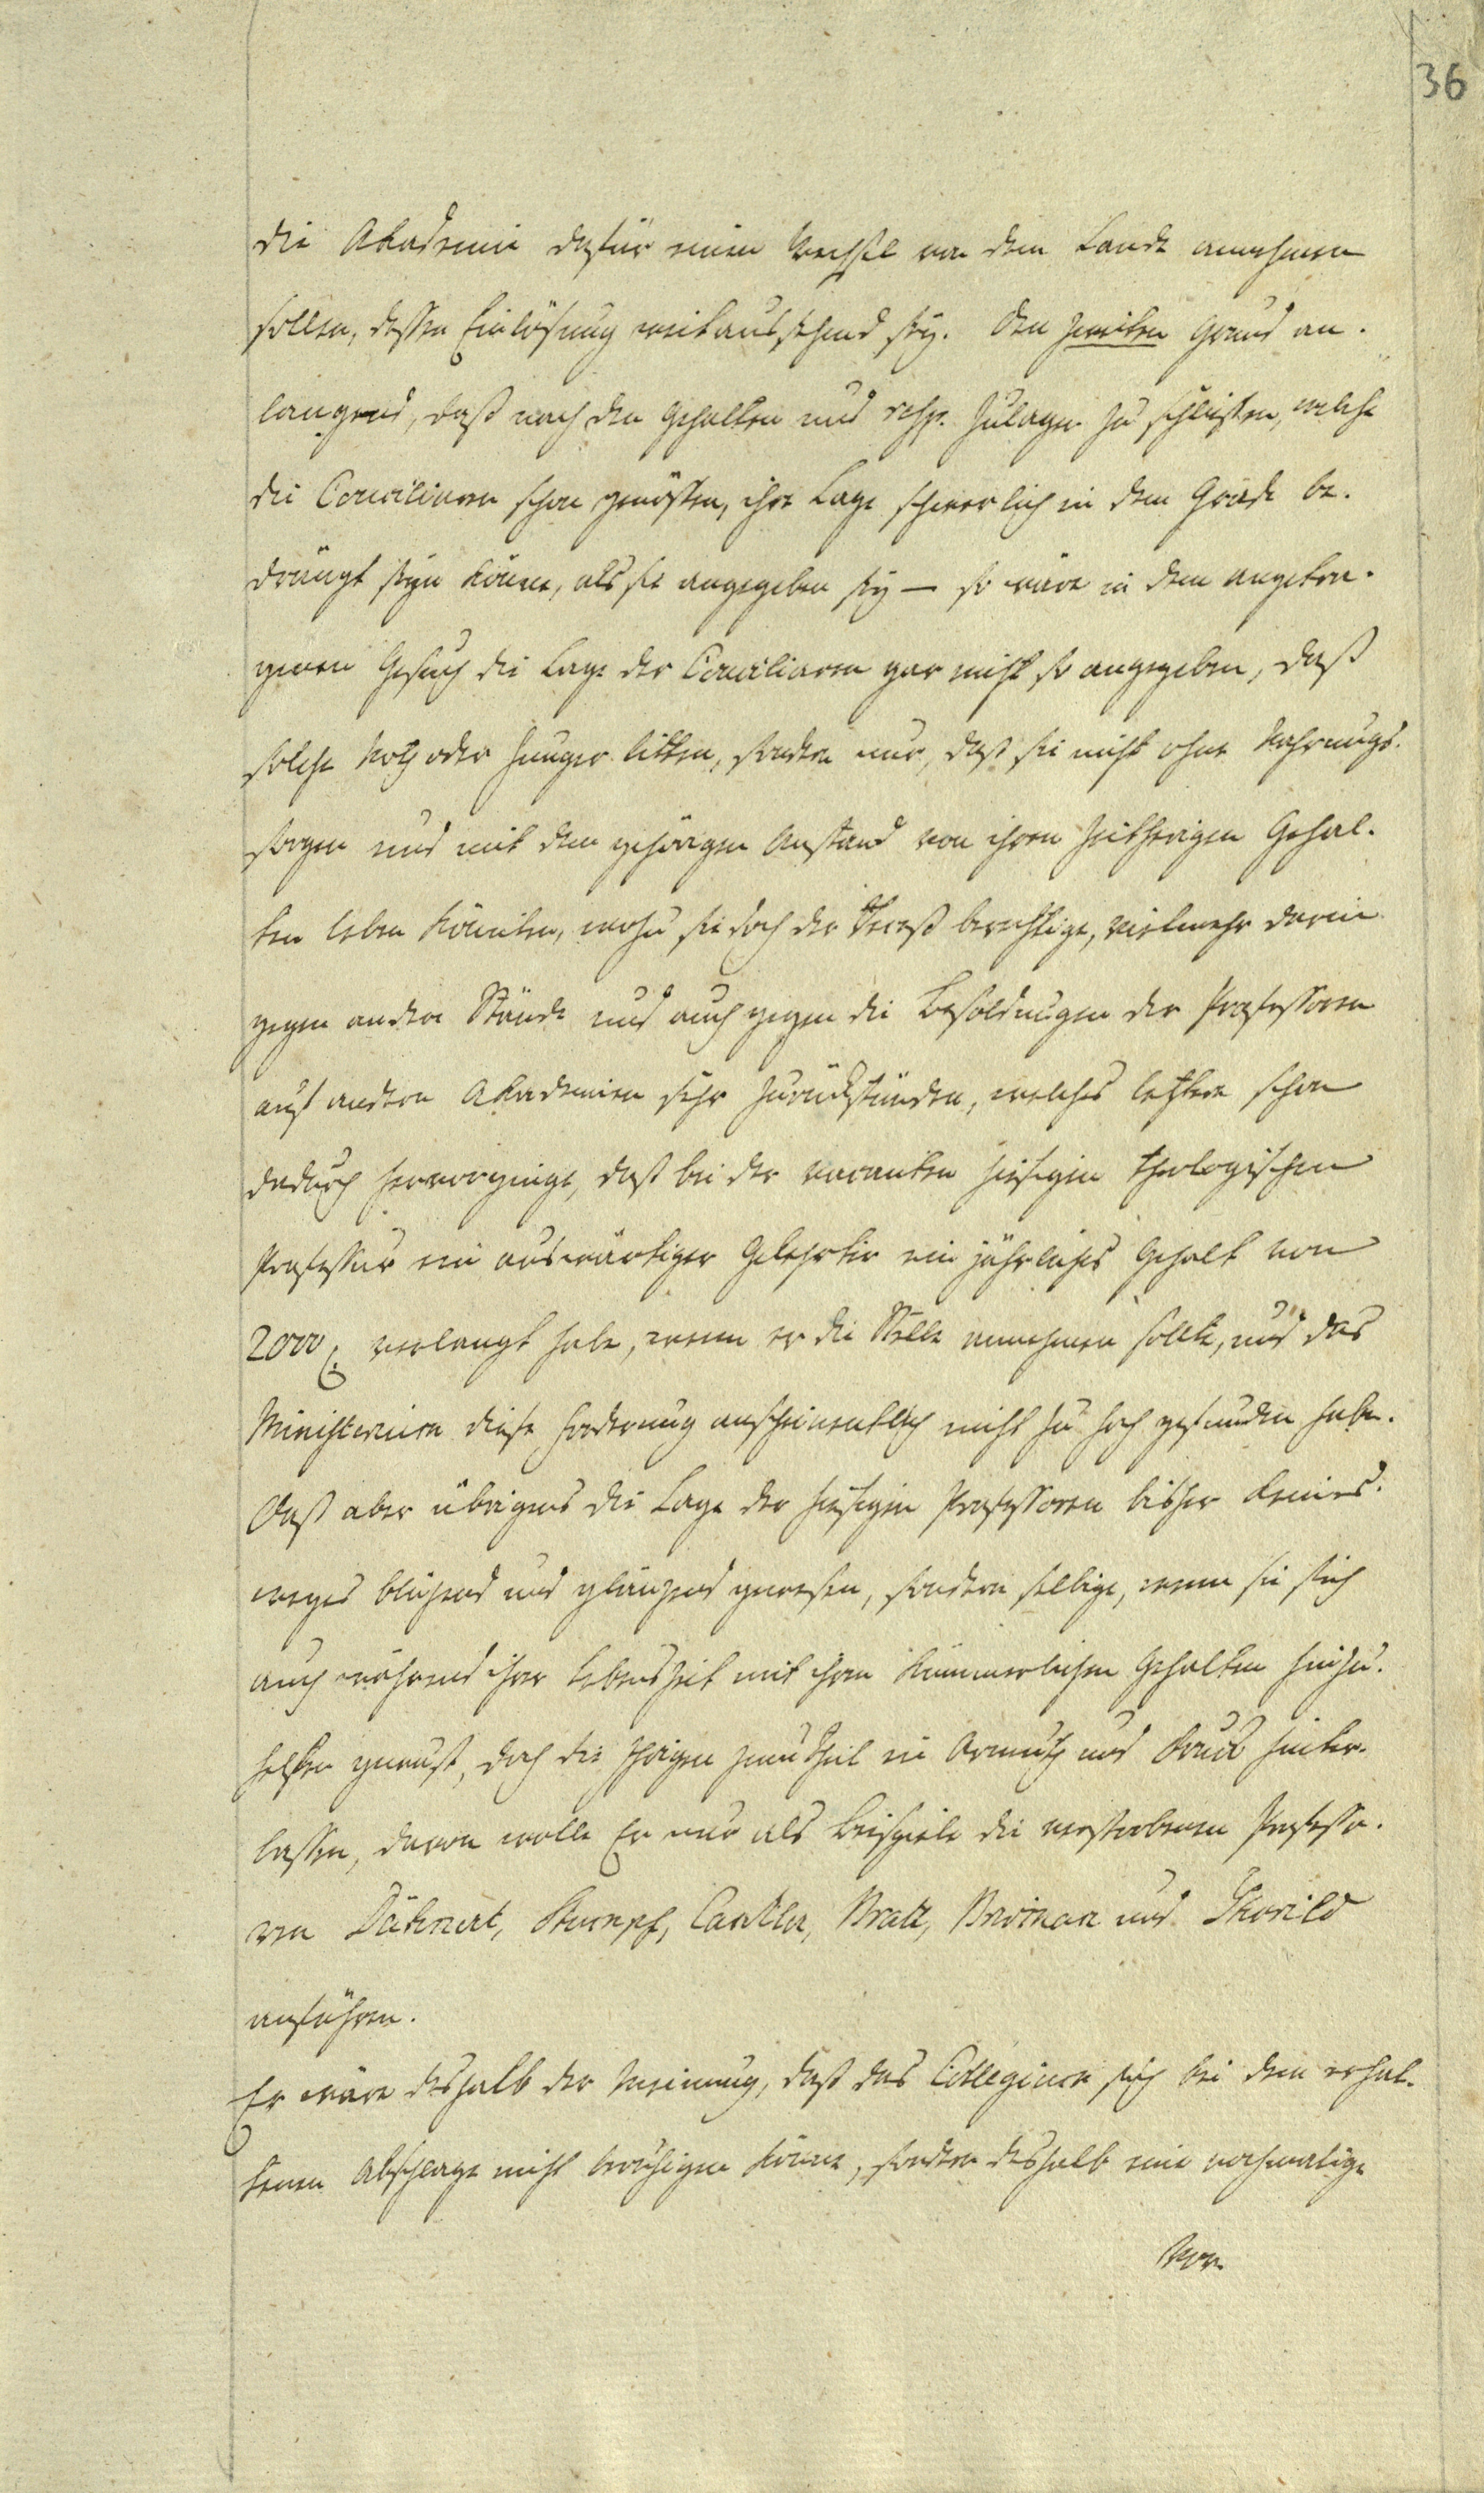die Akademie dafür einen Wechsel von dem Lande annehmen
sollen, dessen Einlösung weit aussehend seÿ. Den zweiten Grund an¬
langend, daß nach den Gehalten und resp. Zulagen zu schliessen, welche
die Conciliaren schon genössen, ihre Lage schwerlich in dem Grade be¬
drängt seÿn könne, als sie angegeben seÿ - so wäre in dem angetra¬
genen Gesuch die Lage der Conciliaren gar nicht so angegeben, daß
solche Noth oder Hunger litten, sondern nur, daß sie nicht ohne Nahrungs¬
sorgen und mit dem gehörigen Anstand von ihren zeitherigen Gehal¬
ten leben könnten, wozu sie doch der Receß berechtige, vielmehr darin
gegen andere Stände und auch gegen die Besoldungen der Professoren
auf andern Akademien sehr zuückstünden, welches letztere schon
dadurch hervorginge, daß bei der vacanten hiesigen theologischen
Professur ein auswärtiger Gelehrter ein jährliches Gehalt von
2000 l. verlangt habe, wenn er die Stelle annehmen sollte, und das
Ministerium diese Forderung anscheinentlich nicht zu hoch gefunden habe.
Daß aber übrigens die Lage der hiesigen Professoren bisher keines¬
weges blühend und glänzend gewesen, sondern selbige, wenn sie sich
auch während ihrer Lebenszeit mit ihren kümmerlichen Gehalten hinzu¬
helfen gewußt, sich die Ihrigen zum theil in Armuth und Druck hinter¬
lassen, davon wolle Er nur als Beispiele die verstorbenen Professo¬
ren Dähnert, Stumpf, Canzler, Bratt, Brisman und Thorild
anführen.
Er wäre deshalb der Meinung, daß das Collegium sich bei dem erhal¬
tenen Abschlage nicht beruhigen könne, sondern deshalb eine nochmalige
vor¬